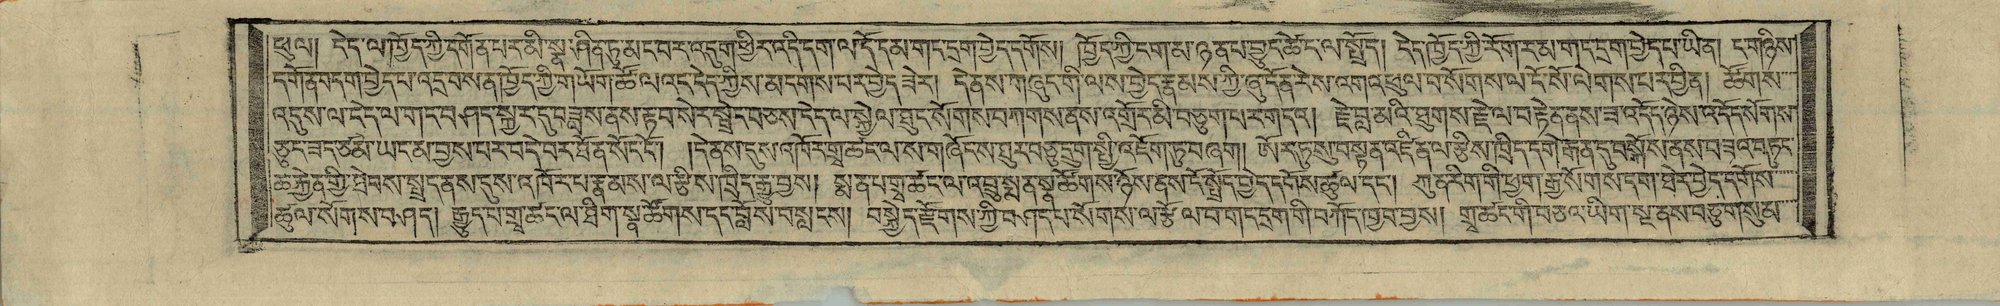ཕུལ༑ ངེད་ལ་ཁྱོད་ཀྱི་དགོན་པར་མི་སྣ་ཤིན་ཏུ་མང་བར་འདུག་ཕྱིར་འདི་དག་ལ་དོ་དམ་གང་དྲག་བྱེད་དགོས། ཁྱོད་ཀྱི་ངག་མ་ཉན་པ་བྱུང་ཚེ་ང་ལ་སྤྲོད། ངེད་ཁྱོད་ཀྱི་རོག་རམ་གང་དྲག་བྱེད་པ་ཡིན། ང་གཉིས་
དགོན་བདག་བྱེད་པ་འདྲ་བས་ན་ཁྱོད་ཀྱི་གཡོག་ཚོ་ལའང་ངེད་ཀྱིས་མངགས་པར་བྱེད་ཟེར། དེ་ནས་གཞུང་གི་ལས་བྱེད་རྣམས་ཀྱི་ཞུ་དོན་རེས་འགའ་ཕུལ་བ་སོགས་ལ་ངོ་སོ་ལེགས་པར་བྱིན། ཚོགས་
འདུས་ལ་ངེད་ལ་གང་བཤད་སྐྱར་དུ་བཟླས་ནས་རྟ་བ་སེར་སྦྲེང་བཅས་ངེད་ལ་སྐྱེལ་ཐུང་སོགས་བཀགས་ནས་འགྲོར་མི་བཅུག་པར་གདའ། རྗེ་བླ་མའི་ཐུགས་རྗེ་ལ་བརྟེན་ནས་ཟ་འདོད་ཉེས་འདོད་སོགས་
ཅུང་ཟད་ཙམ་ཡང་མ་བྱས་པར་བདེ་བར་ཐོན་སོང་ངོ། །དེ་ནས་དུས་འཁོར་གྲྭ་ཚང་ལ་ས་གཞོངས་ཐུར་བཅུ་དྲུག་སྤྱི་འཇོག་ཏུ་བཞག །ཨོར་ཏུ་སུ་བསྟན་འཛིན་ལ་རྩིས་ཁྲིད་དགེ་རྒན་དུ་བསྐོས་ནས་བཟའ་བཏུང་
ཆ་རྐྱེན་གྱི་ཐེབས་སྤྲད་ནས་དུས་འཁོར་པ་རྣམས་ལ་རྩིས་ཁྲིད་རྒྱུ་བྱས། སྨན་པ་གྲྭ་ཚང་ལ་འབྲུ་སྨན་སྣ་ཚོགས་ཉོས་ནས་ངོ་སྤྲོད་བྱེད་དགོས་ཚུལ་དང་། ཀུན་རིག་གི་ཕྱག་རྒྱ་སོགས་དག་ཐེར་བྱེད་དགོས་
ཚུལ་སོགས་བཤད། རྒྱུད་པ་གྲྭ་ཚང་ལ་ཐིག་སྣ་ཚོགས་དང་བློས་བསླངས། བསྐྱེད་རྫོགས་ཀྱི་བཤད་པ་སོགས་ལ་རྩོལ་བ་གང་དྲག་གི་བཀོད་ཁྱབ་བྱས། གྲྭ་ཚང་གི་བཅའ་ཡིག་སྔ་ནས་བཅུ་གསུམ་